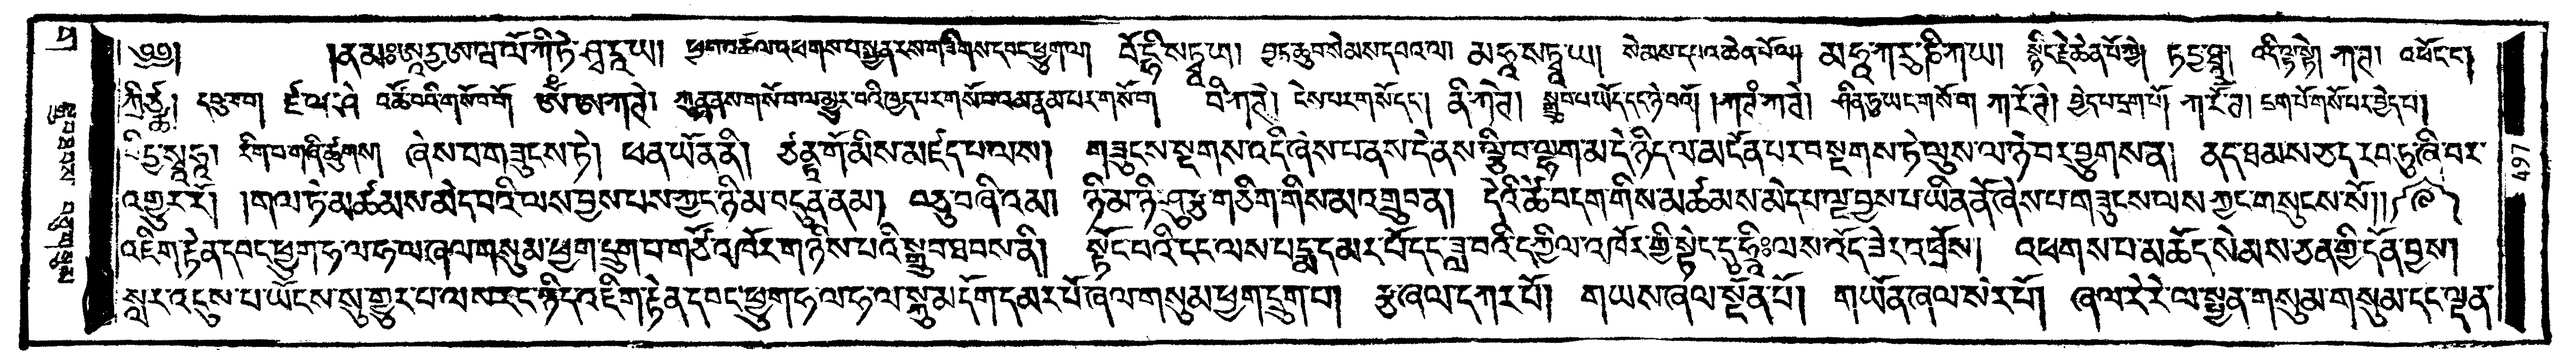༄༅། །ན་མཿཨཱརྱ་ཨ་ཝ་ལོ་ཀི་ཏེ་ཤྭ་རཱ་ཡ། ཕྱག་འཚལ་འཕགས་པ་སྤྱན་རས་གཟིགས་དབང་ཕྱུག་ལ། བོ་དྷི་སཏྭཱ་ཡ། བྱང་ཆུབ་སེམས་དཔའ་ལ། མཧཱ་སཏྭཱ་ཡ། སེམས་དཔའ་ཆེན་པོ་ལ། མཧཱ་ཀ་རུ་ཎི་ཀ་ཡ། སྙིང་རྗེ་ཆེན་པོ་ཀྱེ། ཏདྱ་ཐཱ། འདི་ལྟ་སྟེ། ཀ་ཊ། འཕོང་ང་།
ཀྲིཙྪ། དབུལ་བ། ཛ་ལ་ཤེ་འཚོ་བའི་གསོབ་བོ། ཨོཾ་ཨ་ཀ་ཊེ། ཀུན་ནས་གསོ་བ་ལ་མྱུར་བའི་ཁྱད་པར་གསོ་བའམ་རྣམ་པར་གསོག། བི་ཀ་ཊེ། ངེས་པར་གསོ་དང་། ནི་ཀེཊ། སྒྲུབ་པ་ཡོད་དང་ཉེ་བའོ། །ཀ་ཊཾ་ཀ་ཊེ། ཤིན་ཏུ་ཡང་གསོ་བ། ཀ་རོ་ཊེ། བྱེད་པ་དྲག་པོ། ཀ་རོ་ཊ། དྲག་པོ་གསོ་བར་བྱེད་པ།
བིདྱ་སྭཱཧཱ། རིག་པ་གཞི་ཚུགས། ཞེས་བ་གཟུངས་ཏེ། ཕན་ཡོན་ནི། ཙནྟྲ་གོ་མིས་མཛད་པ་ལས། གཟུངས་སྔགས་འདི་ཞེས་པ་ནས་དེ་ནས་ལྕི་བ་ལྷག་མ་དེ་ཉིད་ལ་མངོན་པར་བསྔགས་ཏེ་ལུས་ལ་ཉེ་བར་བྱུགས་ན། ནད་ཐམས་ཅད་རབ་ཏུ་ཞི་བར་
འགྱུར་རོ། །གལ་ཏེ་མཚམས་མེད་བའི་ལས་བྱས་པས་ཀྱང་ཉི་མ་བདུན་ནམ། བཅུ་བཞི་འམ། ཉི་མ་ཉི་ཤུ་རྩ་གཅིག་གིས་མ་འགྲུབ་ན། དེའི་ཚེ་བདག་གིས་མཚམས་མེད་པ་ལྔ་བྱས་པ་ཡིན་ནོ་ཞེས་པ་གཟུངས་ལས་ཀྱང་གསུངས་སོ།། ༩?
འཇིག་རྟེན་དབང་ཕྱུག་ཧ་ལ་ཧ་ལ་ཞལ་གསུམ་ཕྱག་དྲུག་པ་གཙོ་འཁོར་གཉིས་པའི་སྒྲུབ་ཐབས་ནི། སྟོང་བའི་ངང་ལས་པདམ་དམར་པོ་དང་ཟླ་བའི་དཀྱིལ་འཁོར་གྱི་སྟེང་དུ་ཧྲཱིཿལས་འོད་ཟེར་འཕྲོས། འཕགས་པ་མཆོད་སེམས་ཅན་གྱི་དོན་བྱས།
སླར་འདུས་པ་ཡོངས་སུ་གྱུར་བ་ལས་རང་ཉིད་འཇིག་རྟེན་དབང་ཕྱུག་ཧ་ལ་ཧ་ལ་སྐུ་མདོག་དམར་པོ་ཞལ་གསུམ་ཕྱག་དྲུག་པ། རྩ་ཞལ་དཀར་པོ། གཡས་ཞལ་སྔོན་པོ། གཡོན་ཞལ་སེར་པོ། ཞལ་རེ་རེ་ལ་སྤྱན་གསུམ་གསུམ་དང་ལྡན་